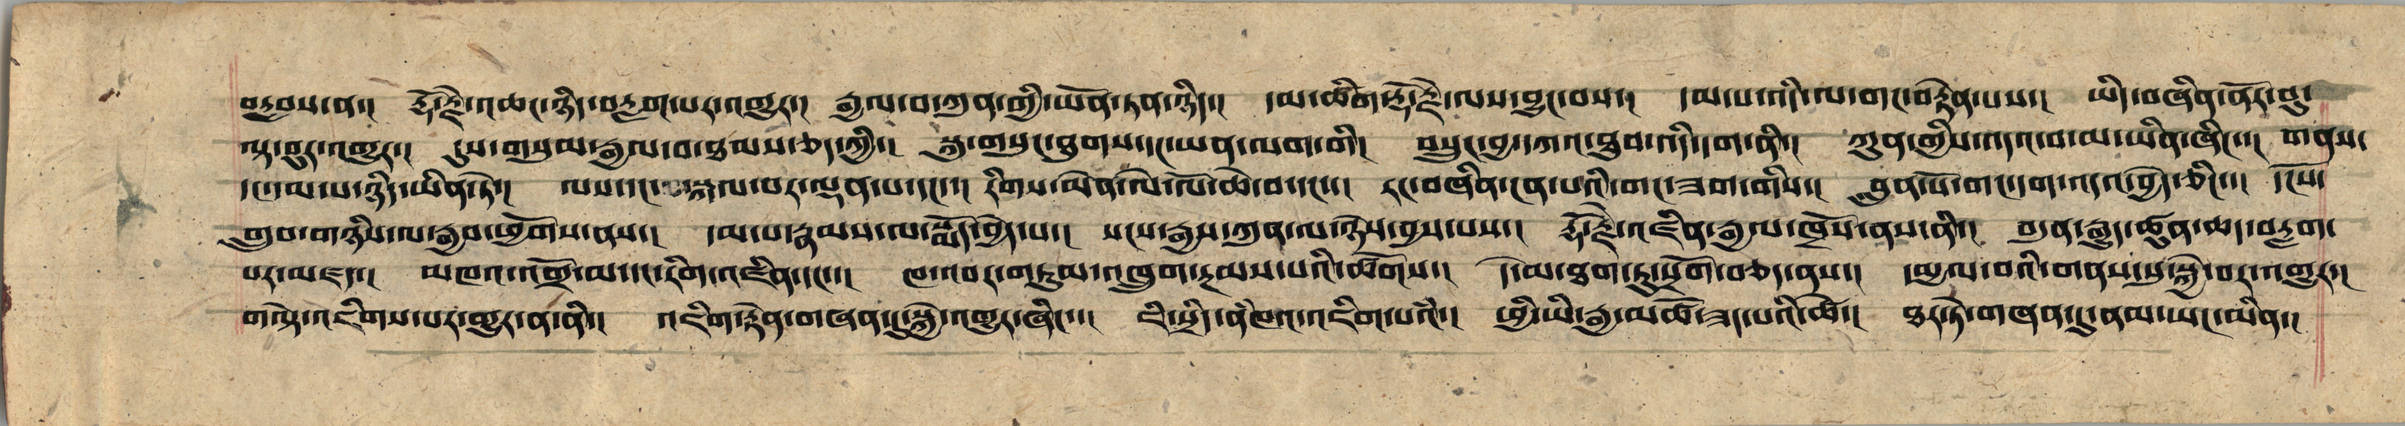བརླབས་ན་། རྡོ་རྗེ་འཆང་ཉིད་བརླག་པར་འགྱུར་། རྒྱལ་བ་ཀུན་གྱི་ཡོན་ཏན་ཉིད་། དམ་ཚིག་རྡོ་རྗེ་ལས་བྱུང་བས་། དམ་པ་འདི་ལ་གང་བརྟེན་པས་། ཡིད་བཞིན་ནོར་བུ་
ལྟ་བུར་འགྱུར་། དུས་གསུམ་རྒྱལ་བ་ཐམས་ཅད་ཀྱི་། སྐུ་གསུང་ཐུགས་དང་ཡན་ལག་གི་། བསྲུང་བྱ་དཀའ་ཐུབ་འདི་དག་ནི་། ཀུན་གྱིས་འདའ་བ་མ་ཡིན་ཞིང་་། གནས་
དང་དམ་པ་ཉིད་ཡིན་ཏེ་། ལས་དང་སྐལ་པར་ལྡན་པ་དང་་། རིགས་མེན་ལེ་ལོ་ཆེ་བ་དང་་། རང་བཞིན་ངན་པའི་གང་ཟག་གིས་། བླུན་པོ་གང་དག་འདའ་བྱེད་ཅིང་་། དངོས་
གྲུབ་གཉིས་ལ་རྒྱབ་ཕྱོགས་ནས་། དམ་པ་རྣམས་ལ་སྨོད་བྱེད་པ་། སངས་རྒྱས་ཀུན་ལ་ཉེས་བྱས་པས་། རྡོ་རྗེ་འཛིན་རྒྱལ་ཁྲོས་ནས་ནི་། བདུན་རྒྱུད་ཚུན་ཆད་བརླག་
པར་མཛད་། མཁའ་འགྲོ་མ་དང་རིག་འཛིན་དང་་། ཁ་འབར་གཏུམ་འཁྲུག་རྔམས་པའི་ཚོགས། དེ་མ་ཐག་ཏུ་སྲོག་བཅད་ནས་། དམྱལ་བའི་གནས་སུ་སྐྱེ་བར་འགྱུར་།
གལྟེ་འཇིགས་པར་གྱུར་ན་ནི་། འཇིག་རྟེན་གཞན་དུ་སྐྱེ་འགྱུར་ཞིང་་། ཇི་སྲིད་ནཾཁའ་འཇིག་པའཾ་། ཕྱི་ཡི་རྒྱ་མཚོ་ཟད་པའི་ཚེ་། ཐར་ཏེ་གཞན་དུ་ནམ་ཡང་མིན་།